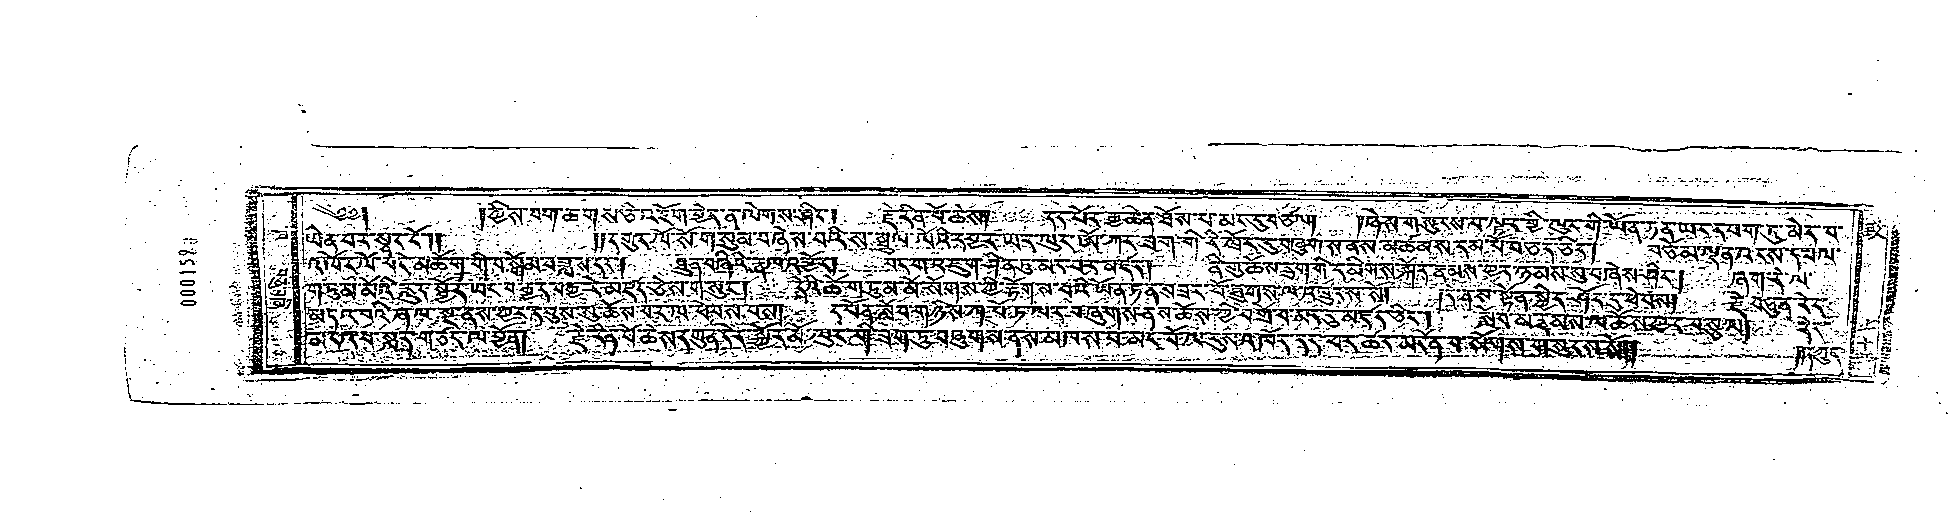༄༅། །ཀྱིས་བག་ཆགས་ཅི་འཇོག་བྱེད་ན་ལེགས་ཤིང་། རྗེ་རིན་པོ་ཆེས། དང་པོར་རྒྱ་ཆེན་ཐོས་པ་མང་དུ་བཙལ། །ཞེས་གསུངས་པ་ལྟར་གྱི་ལུང་གི་ཡོན་ཏན་ཡང་དཔག་ཏུ་མེད་པ་
ཡིན་པར་སྣང་ངོ།། །།དགུང་ལོ་སོ་གསུམ་བཞེས་བའི་ས་སྤྲུལ་ལོའི་དབྱར་ཡར་ལུང་ཨོ་ཀར་བྲག་གི་རི་ཁྲོད་དུ་བཞུགས་ནས་མཚམས་དམ་པོ་བཅད་ཅིང་། བཅོམ་ལྡན་འདས་དཔལ་
འཁོར་ལོ་བདེ་མཆོག་གི་བསྒོམ་བཟླས་དང་། ཐུན་བཞིའི་རྣལ་འབྱོར། བདག་འཇུག་ཤིན་ཏུ་མང་བར་མཛད། ནི་གུ་ཆོས་དྲུག་གི་དམིགས་སྐོར་རྣམས་ཀྱང་ཉམས་སུ་བཞེས་ཤིང་། ཞག་རེ་ལ་
གཏུམ་མོའི་རླུང་སྦྱོར་ཡང་བརྒྱད་བརྒྱ་རེ་མཛད་ཅེས་གསུང་། དེའི་ཚེ་གཏུམ་མོ་སོགས་ཀྱི་རྟོགས་པའི་ཡོན་ཏན་བཟང་པོ་ཐུགས་ལ་འཁྲུངས་སོ། །དེ་ནས་སྟོན་སྐྱིད་ཤོད་དུ་ཕེབས། རྗེ་བཙུན་རེད་
མདའ་བའི་ཞལ་སྔ་ནས་ཀྱང་དབུས་སུ་ཆོས་པར་ལ་ཕེབས་པས། དཔོན་སློབ་གཉིས་ཀ་པོ་ཏ་ལར་བཞུགས་ནས་ཆོས་ཀྱི་བགྲོ་བ་མང་དུ་མཛད་ཅིང་། སློབ་མ་རྣམས་ལ་ཆོས་ཀྱང་བསྩལ། རེད་
མངའ་པ་སླར་གཙང་ལ་བྱོན། རྗེ་རིན་པོ་ཆེས་དགུན་དེར་སྐྱོར་མོ་ལུང་གི་བྲག་ཏུ་བཞུགས་ནས་མཁས་བ་མང་པོ་ལ་དུས་འཁོར་དང་ཕར་ཚང་མངོན་བ་སོགས་གསུངས་སོ།། །།དཀུར་